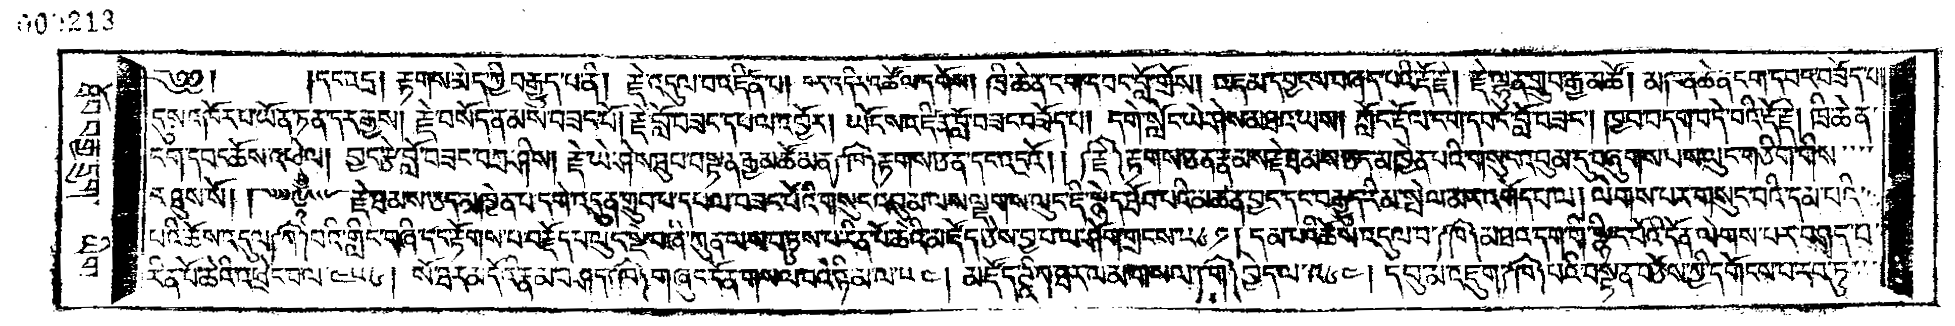༄༅། །དང་འདྲ། རྟགས་མེད་ཀྱི་བརྒྱུད་པ་ནི། རྗེ་འདུལ་བ་འཛིན་པ། བར་འདིར་འཚོལ་དགོས།  ཁྲི་ཆེན་ངག་དབང་བློ་གྲོས། འཇམ་དབྱངས་བཞད་པའི་རྡོ་རྗེ། རྗེ་ལྷུན་གྲུབ་རྒྱ་མཚོ། མཁན་ཆེན་ངག་དབང་བཟོད་པ།
དུས་འཁོར་པ་ཡོན་ཏན་དར་རྒྱས། རྗེ་བསོད་ནམས་བཟང་པོ། རྗེ་བློ་བཟང་དཔལ་འབྱོར། ཡོངས་འཛིན་བློ་བཟང་བཟོད་པ། དགེ་སློང་ཡེ་ཤེས་མཐའ་ཡས། ཀློང་རྡོལ་ངག་དབང་བློ་བཟང་། ཁྱབ་བདག་བདེ་བའི་རྡོ་རྗེ། ཁྲི་ཆེན་
ངག་དབང་ཆོས་འཕེལ། བྱང་རྩེ་བློ་བཟང་བཀྲ་ཤིས་རྗེ་ཡེ་ཤེས་ཐུབ་བསྟན་རྒྱ་མཚོ་མན ༼ཁ༽ རྟགས་ཅན་དང་འདྲའོ། །༼རྗེ༽ རྟགས་ཅན་རྣམས་རྗེ་ཐམས་ཅད་མཁྱེན་པའི་གསུང་འབུམ་དུ་བཞུགས་པས་ལུང་གཅིག་གིས་
འཐུས་སོ། །༈ རྗེ་ཐམས་ཅད་མཁྱེན་པ་དགེ་འདུན་གྲུབ་པ་དཔལ་བཟང་པོའི་གསུང་འབུམ་ལས་ལྗངས་ལུང་ཇི་སྙེད་ཐོབ་པའི་མཚན་བྱང་དང་བརྒྱུད་རིམ་སྤེལ་མར་འགོད་པ་ལ། ལེགས་པར་གསུང་པའི་དམ་པའི་
པའི་ཆོས་འདུལ ༼ཀ༽ བའི་གླིང་གཞི་དང་རྟོགས་པ་བརྗོད་པ་ལུང་སྡེ་བཞི་ཀུན་ལས་བཏུས་པ་རིན་པོ་ཆེའི་མཛོད་ཅེས་བྱ་བ་ལ་ཤོག་གྲངས ༥༦༡་།དམ་པའི་ཆོས་འདུལ་བ ༼ཁ༽ མཐའ་དག་གི་སྙིང་པོའི་དོན་ལེགས་པར་བཤད་པ་
རིན་པོ་ཆེའི་འཕྲེང་བ་ལ ༤༥༦། སོ་ཐར་མདོའི་རྣམ་བཤད ༼ཁ༽ གཞུང་དོན་གསལ་བའི་ཉི་མ་ལ ༥༤། མཛོད་ཊཱི་ཀ་ཐར་ལམ་གསལ ༼ག༽ བྱེད་ལ ༩༦༤། དབུ་མ་འཇུག ༼ཁ༽ པའི་བསྟན་བཅོས་ཀྱི་དགོངས་པར་རབ་ཏུ་